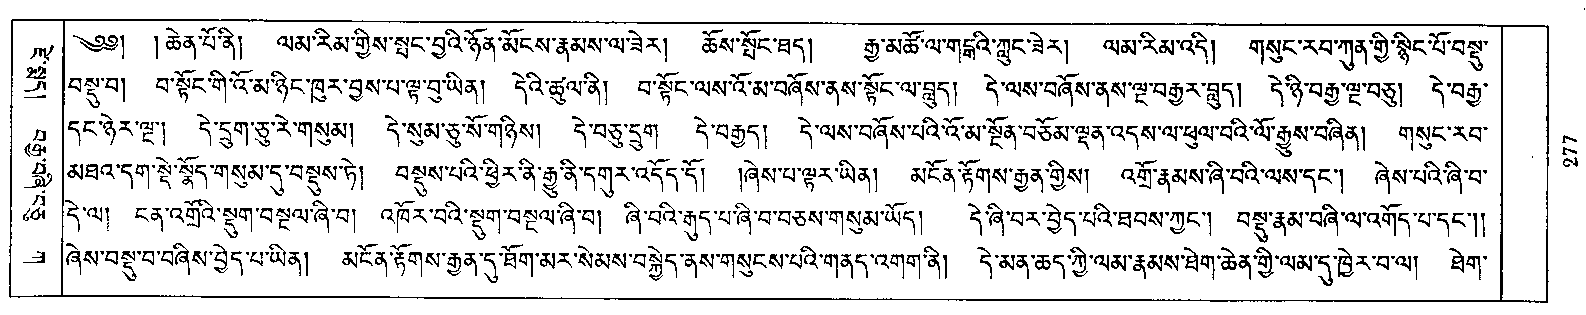༄༅། །ཆེན་པོ་ནི། ལམ་རིམ་གྱིས་སྤང་བྱའི་ཉོན་མོངས་རྣམས་ལ་ཟེར། ཆོས་སྤོང་ཐད། རྒྱ་མཚོ་ལ་གངྒའི་ཀླུང་ཟེར། ལམ་རིམ་འདི། གསུང་རབ་ཀུན་གྱི་སྙིང་པོ་བསྡུ་
བསྡུ་བ། བ་སྟོང་གི་འོ་མ་ཉིང་ཁུར་བྱས་པ་ལྟ་བུ་ཡིན། དེའི་ཚུལ་ནི། བ་སྟོང་ལས་འོ་མ་བཞོས་ནས་སྟོང་ལ་བླུད། དེ་ལས་བཞོས་ནས་ལྔ་བརྒྱར་བླུད། དེ་ཉི་བརྒྱ་ལྔ་བཅུ། དེ་བརྒྱ་
དང་ཉེར་ལྔ། དེ་དྲུག་ཅུ་རེ་གསུམ། དེ་སུམ་ཅུ་སོ་གཉིས། དེ་བཅུ་དྲུག་དེ་བརྒྱད། དེ་ལས་བཞོས་པའི་འོ་མ་སྔོན་བཅོམ་ལྡན་འདས་ལ་ཕུལ་བའི་ལོ་རྒྱུས་བཞིན། གསུང་རབ་
མཐའ་དག་སྡེ་སྣོད་གསུམ་དུ་བསྡུས་ཏེ། བསྡུས་པའི་ཕྱིར་ནི་རྒྱུ་ནི་དགུར་འདོད་དོ། །ཞེས་པ་ལྟར་ཡིན། མངོན་རྟོགས་རྒྱན་གྱིས། འགྲོ་རྣམས་ཞི་བའི་ལས་དང་། ཞེས་པའི་ཞི་བ་
དེ་ལ། ངན་འགྲོའི་སྡུག་བསྔལ་ཞི་བ། འཁོར་བའི་སྡུག་བསྔལ་ཞི་བ། ཞི་བའི་རྒུད་པ་ཞི་བ་བཅས་གསུམ་ཡོད། དེ་ཞི་བར་བྱེད་པའི་ཐབས་ཀྱང་། བསྡུ་རྣམ་བཞི་ལ་འགོད་པ་དང།།
ཞེས་བསྡུ་བ་བཞིས་བྱེད་པ་ཡིན། མངོན་རྟོགས་རྒྱན་དུ་ཐོག་མར་སེམས་བསྐྱེད་ནས་གསུངས་པའི་གནད་འགག་ནི། དེ་མན་ཆད་ཀྱི་ལམ་རྣམས་ཐེག་ཆེན་གྱི་ལམ་དུ་ཁྱེར་བ་ལ། ཐེག་